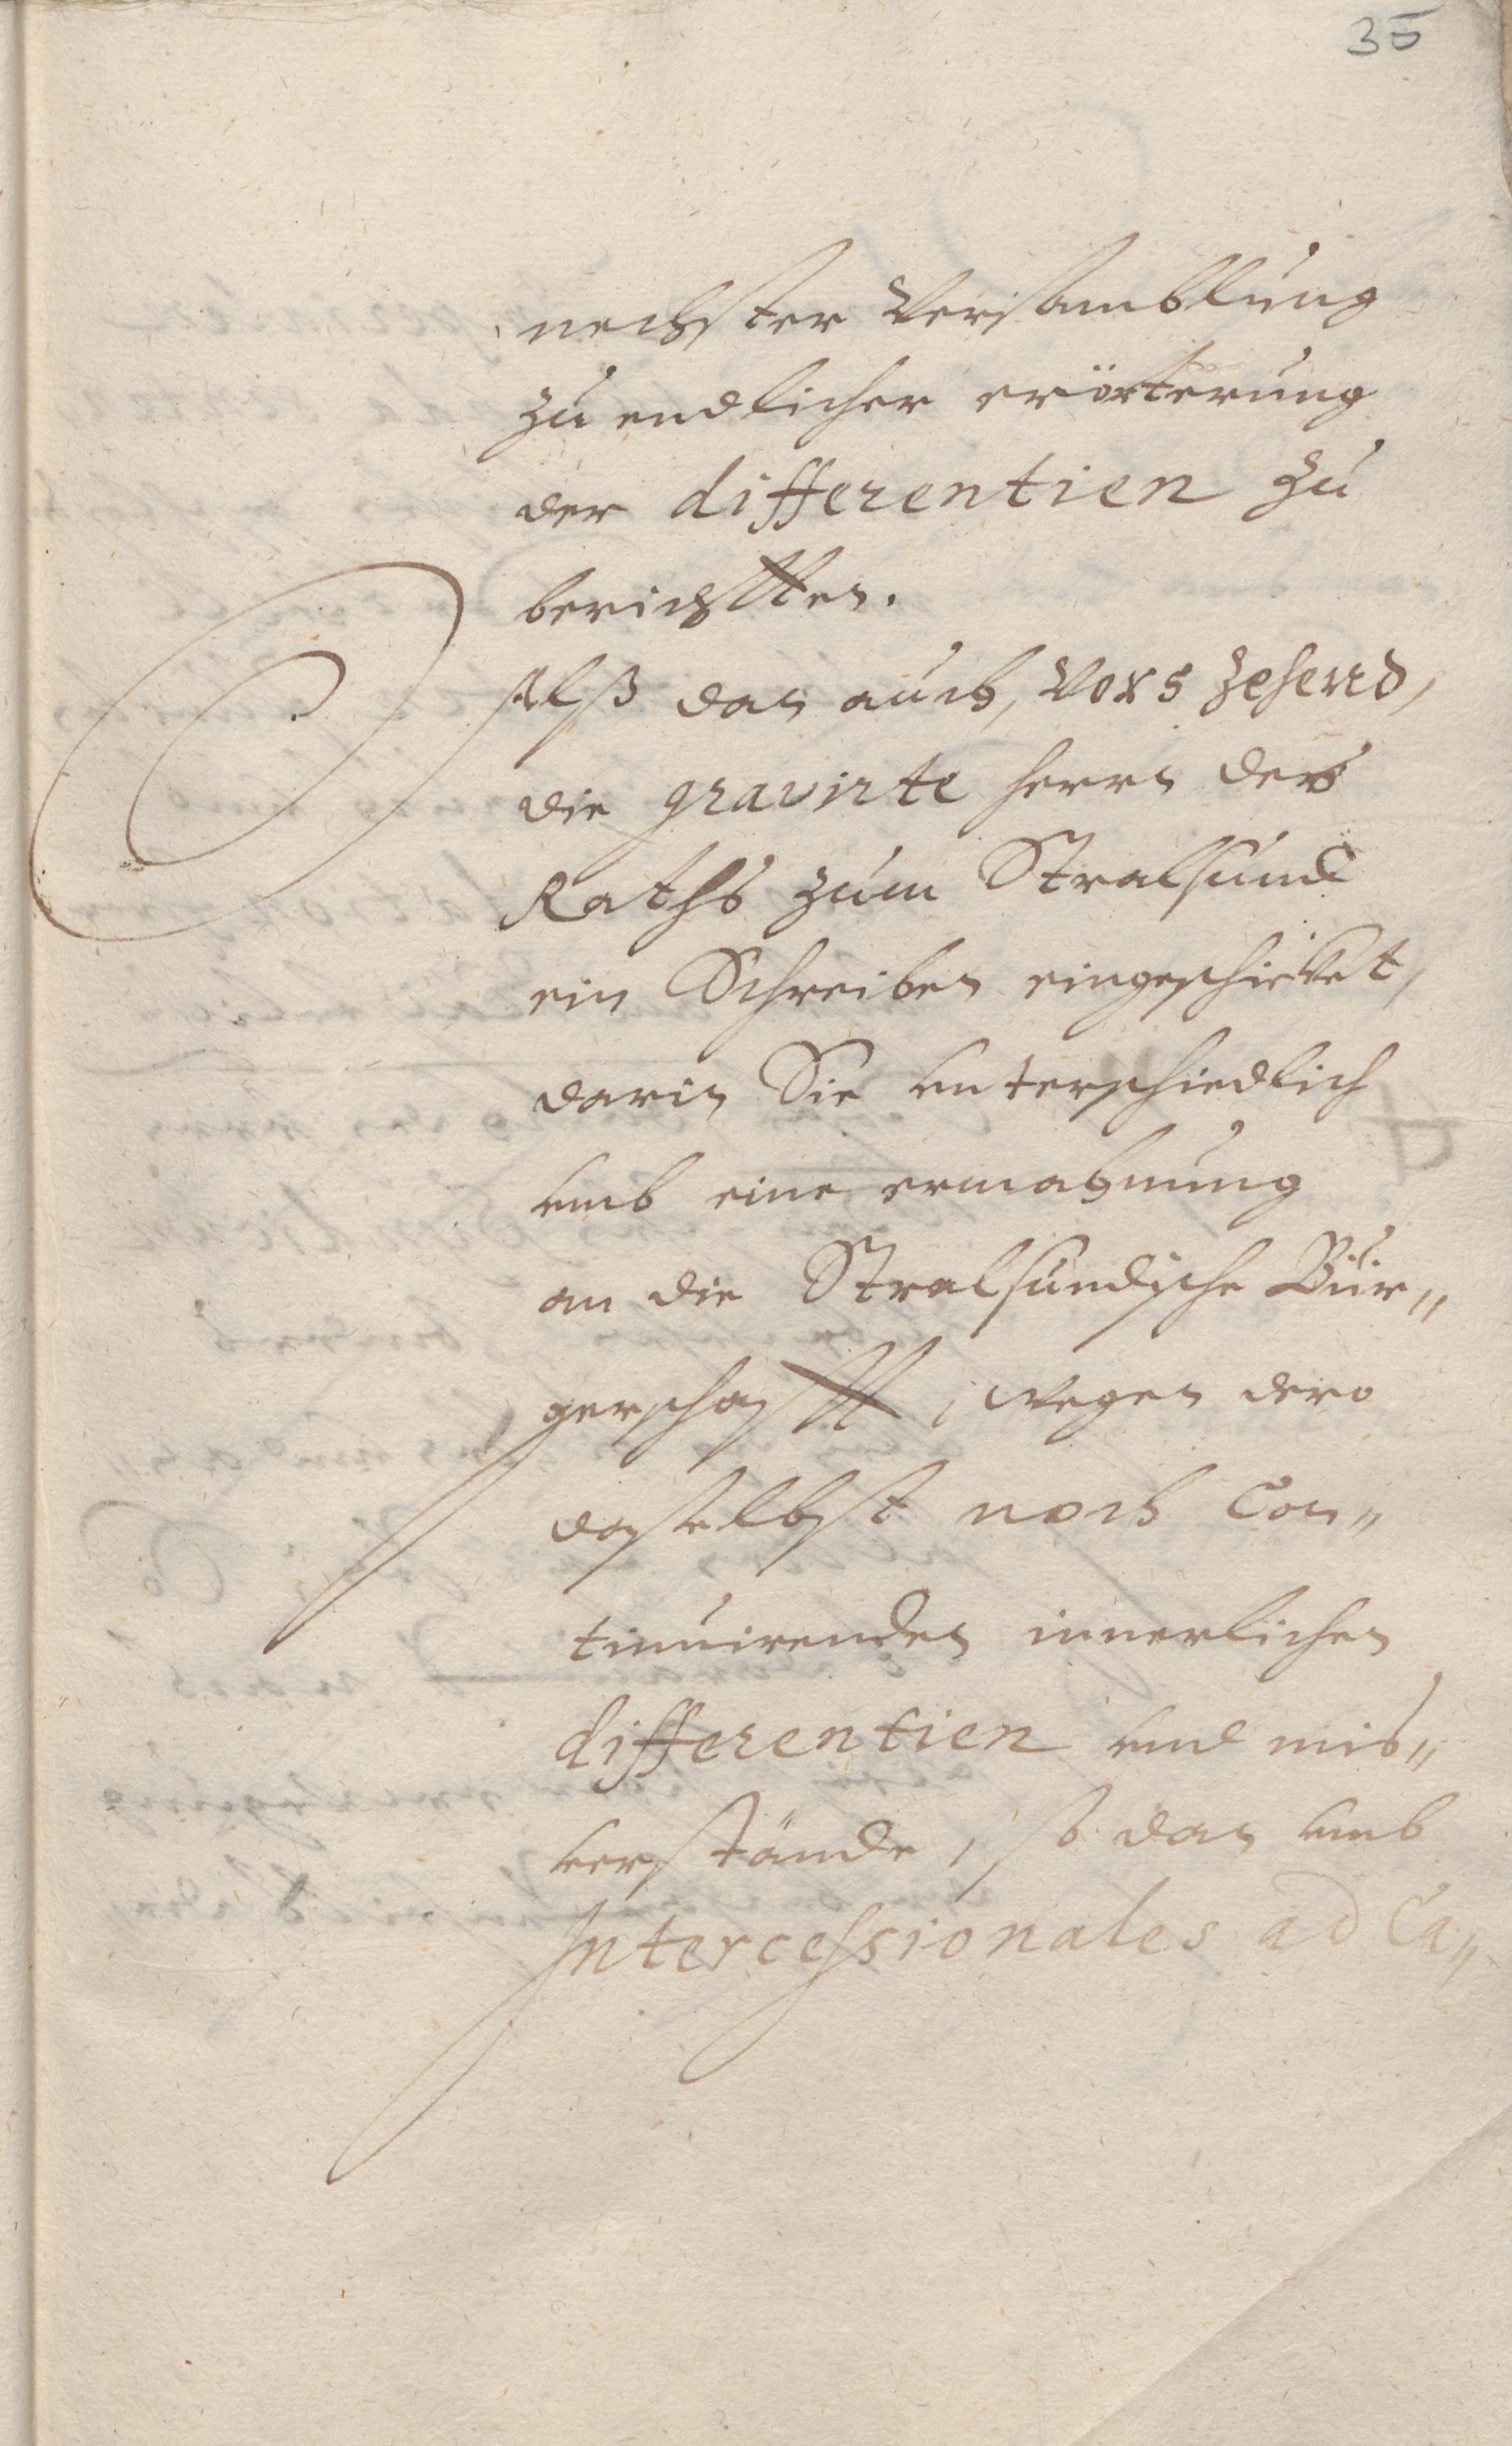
nechster Versamblung
zu endlicher erörterung
der differentien zu
berichtten.
Alß dan auch, vors zehend,
die gravirte herrn des
Raths zum Stralsund
ein Schreiben eingeschicket,
darin Sie vnterschiedlich
vmb einer ermahnung
an die Stralsundische Bür¬
gerschafft, wegen dero
daselbst noch con¬
tinuirenden innerlichen
differentien vnd mis-
verstände, so dan vmb
Intercessionales ad Ca¬
